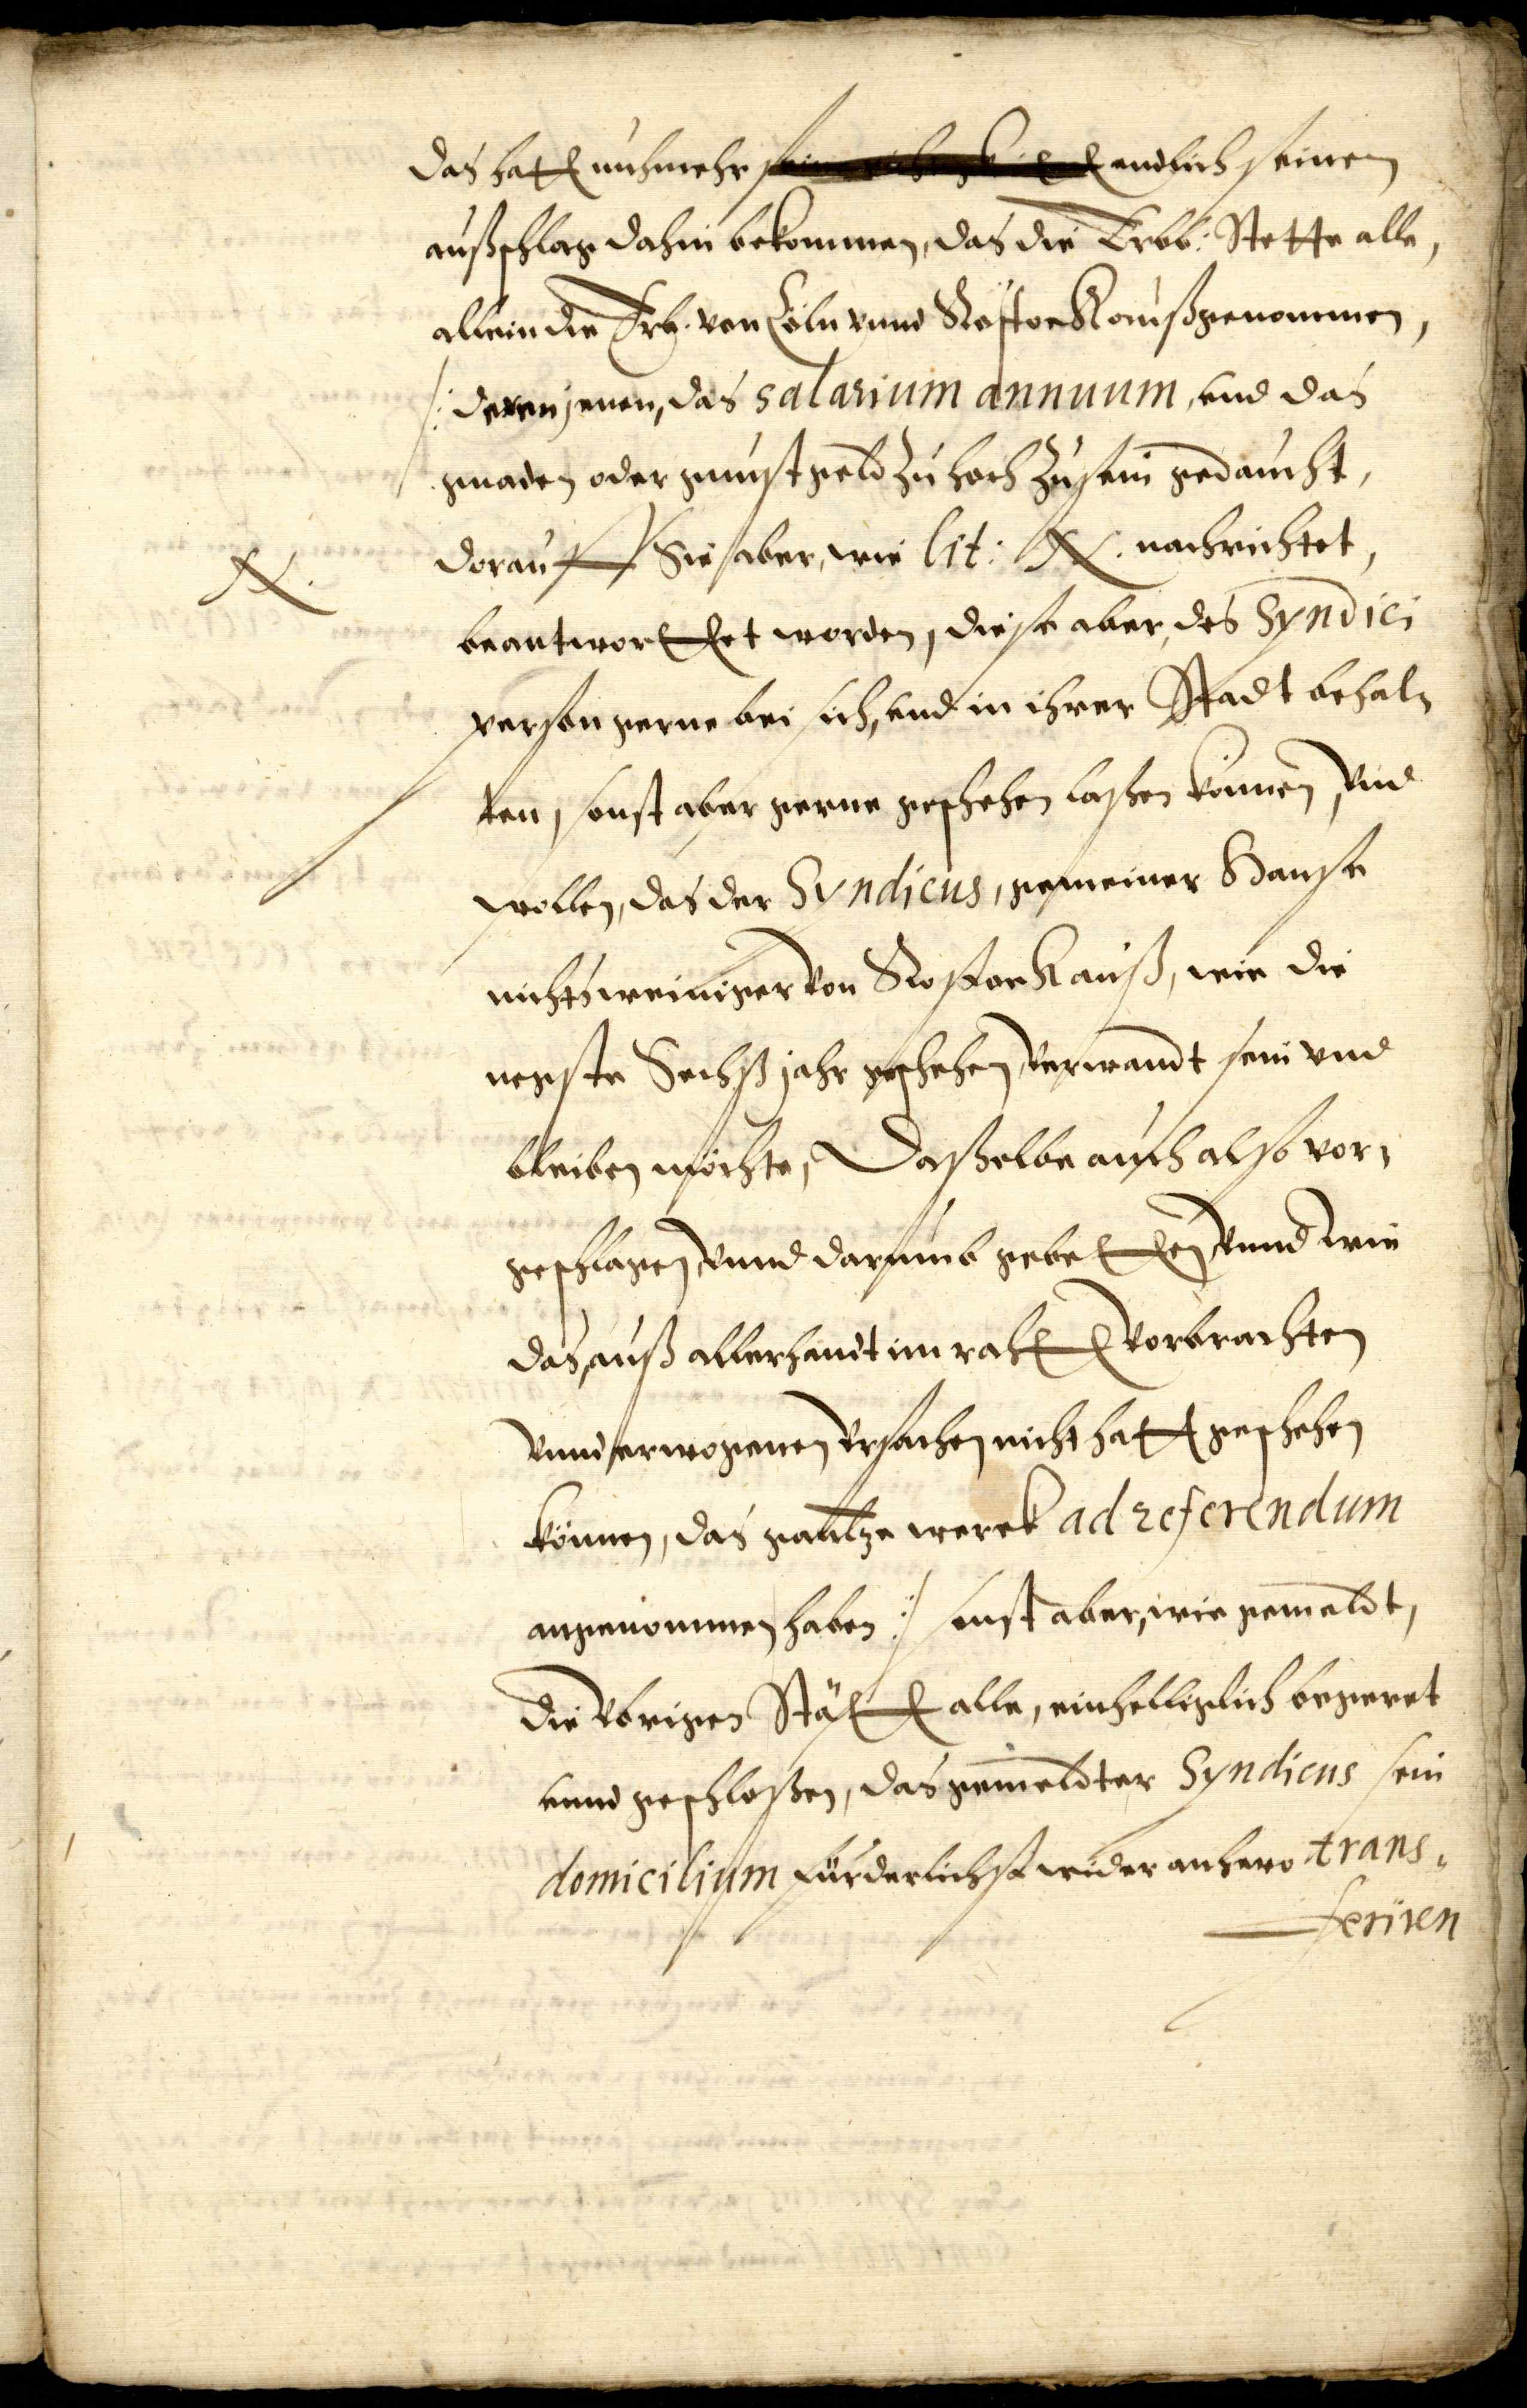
N.
das hatt nuhmehr sein$$$ichigkeitt endlich seinen
außschlag dahin bekommen, das die Erbb: Stette alle,
allein die Erb. von Cöln vnnd RostocK außgenommen,
/: deren jenen, das salarium annuum, vnd das
gnaden oder gunstgeld Zu hoch Zu sein gedaucht,
dorauff Sie aber, wie lit: N. nachrichtet,
beantworttet worden, diese aber, des Syndici
person gerne bei sich, vnd in ihrer Stadt behal¬
ten, sonst aber gerne geschehen laßen konnen, Vnd
wollen, das der Syndicus, gemeiner Hanse
nichts weiniger Von Rostock auß, wie die
negsten Sechß jahr geschehen, Verwandt sein vnd
bleiben möchte, Daßselbe auch also vor¬
geschlagen Vnnd darumb gebetten, Vnnd Wie
das, auß allerhandt im rahtt Vorbrachten
Vnnd erwogenen Vrsachen nicht hatt geschehen
können, das gantze werck ad referendum
angennommen haben :/ sonst aber, wie gemeldt,
die Vbrigen Stätt alle, einhelliglich begeret
vnnd geschloßen, das gemeldter Syndicus sein
domicilium fürderlichst wider anhero trans¬
feriren
